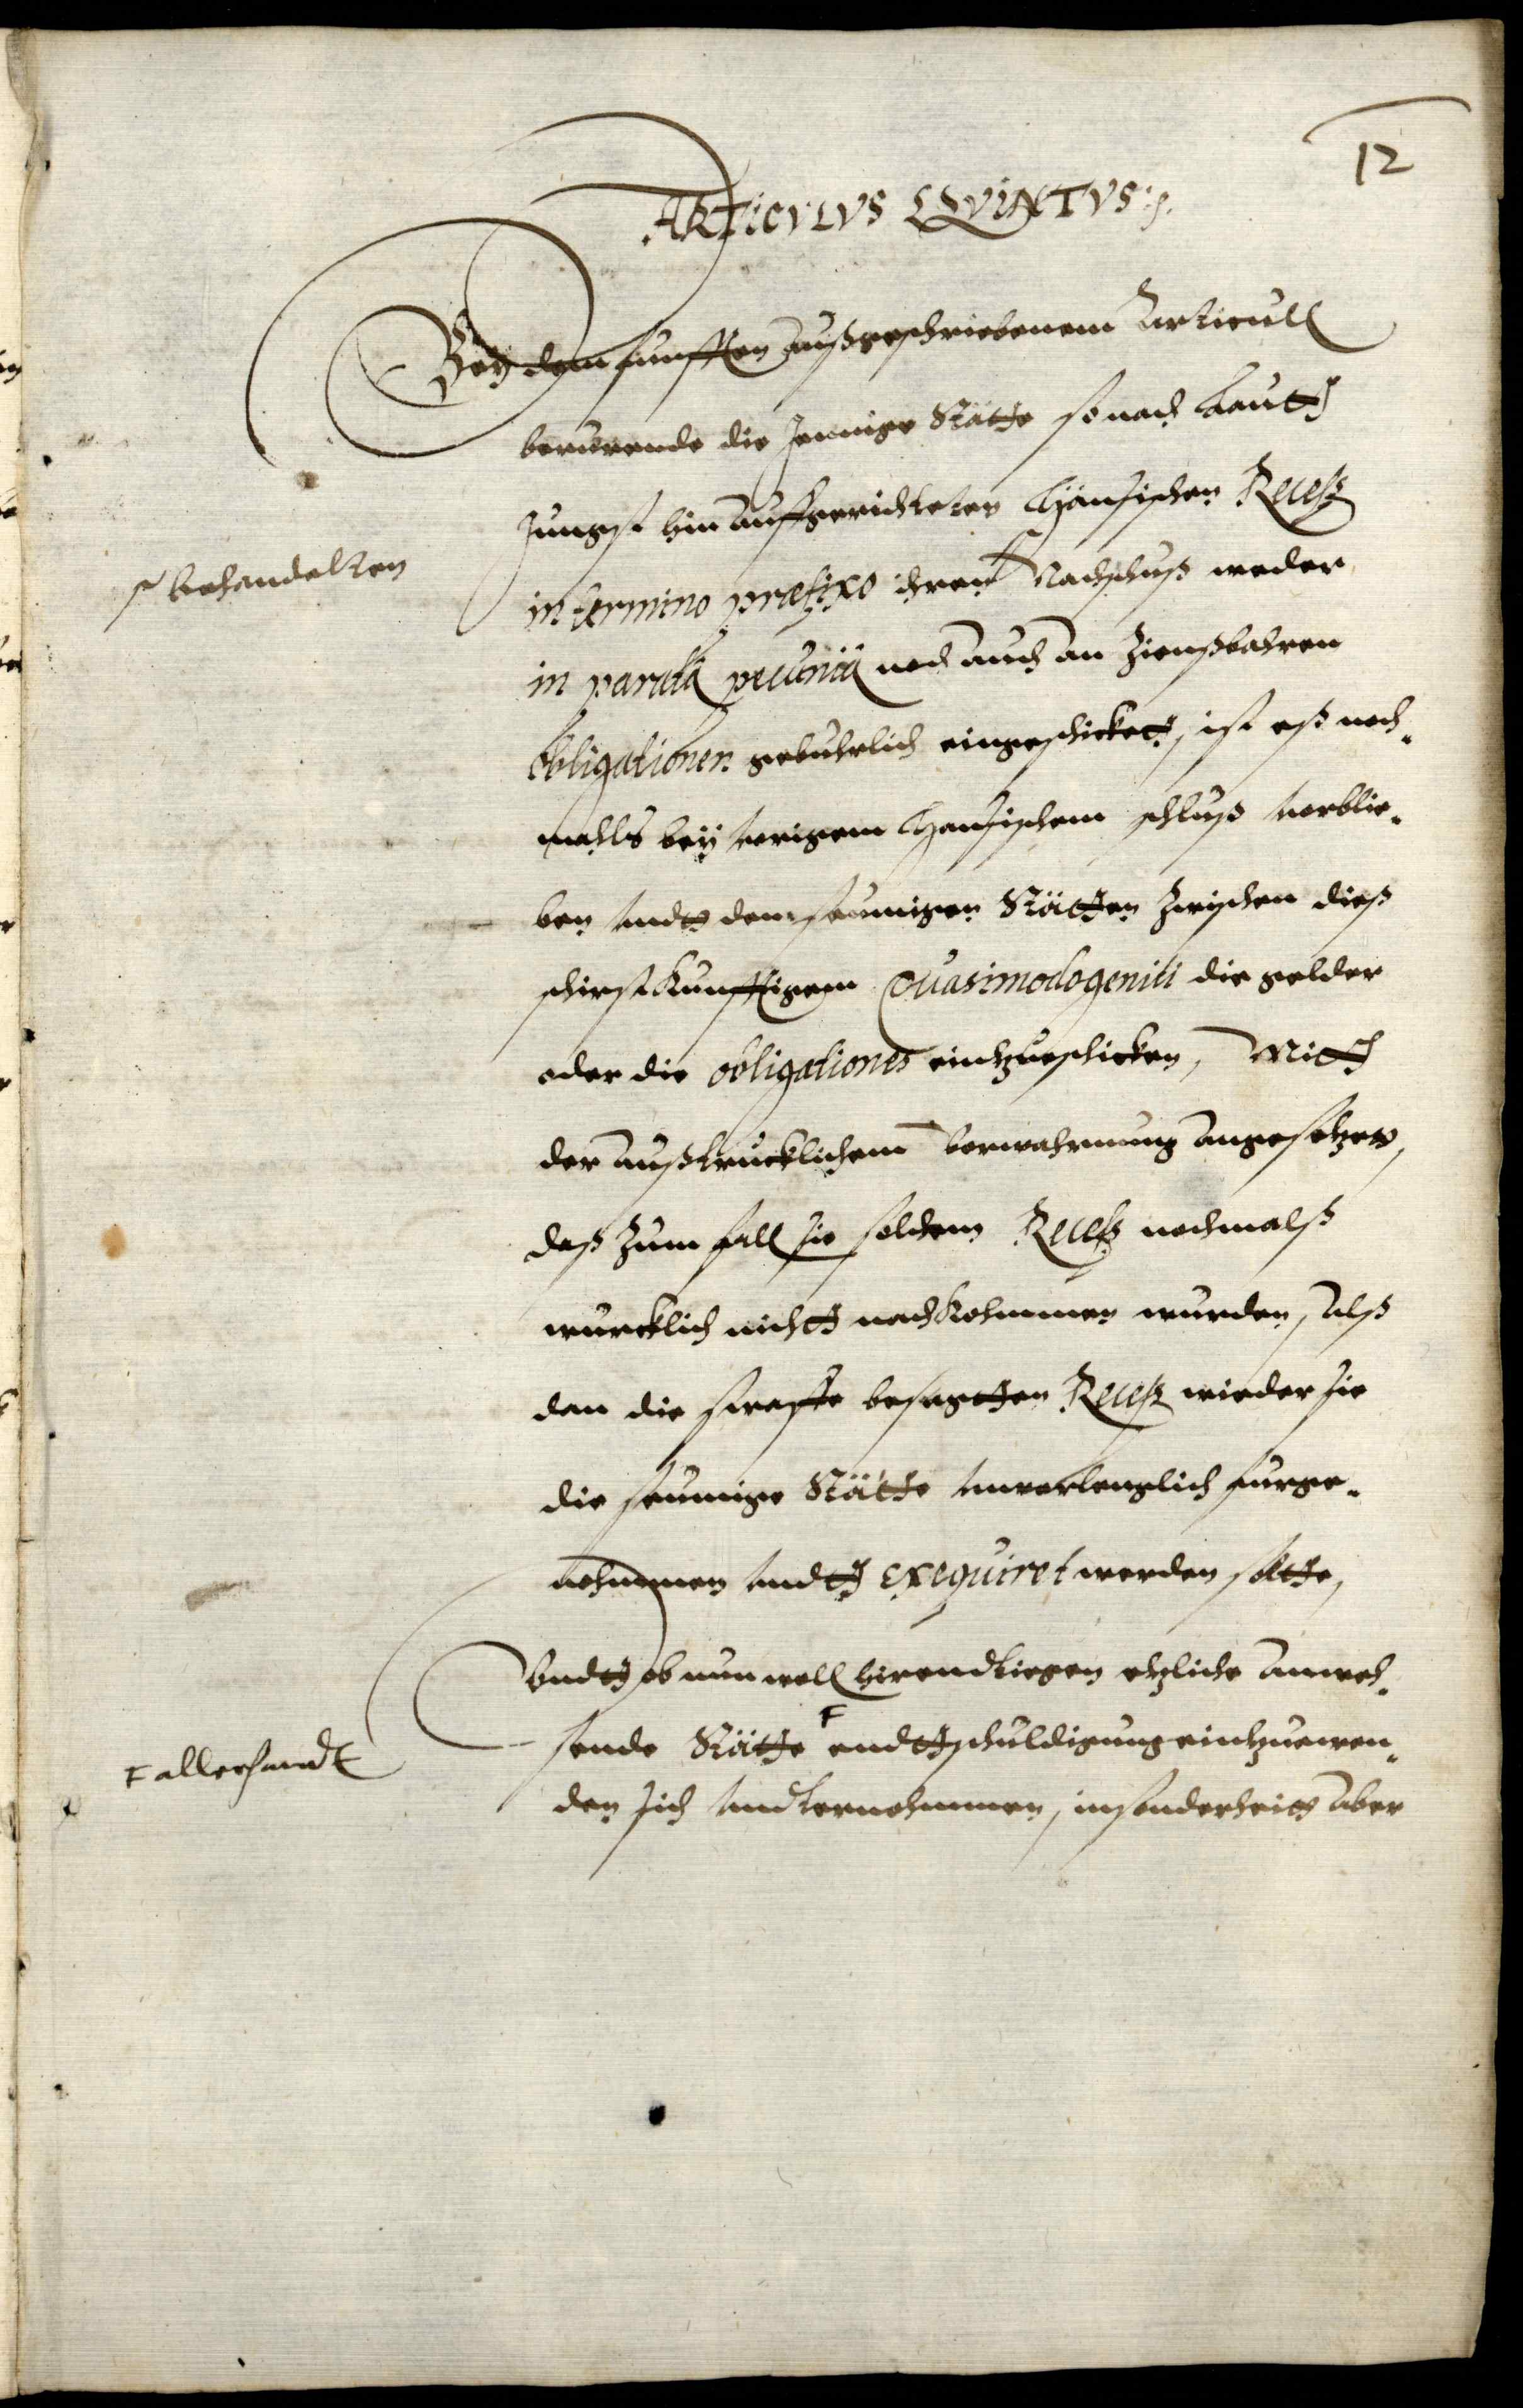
12
ARTICVLVS QVINTVS:p.
Beij dem funfften außgeschriebenem Articull
berurendt die Jenige Stätte so nach Lautt
Jungst hin auffgerichteten Hänsichen Recess
in termino praefixo ihren * Nachschuß weder
in parata pecunia noch Auch An Zienßbahren
obligationen gebuhrlich eingeschickett, ist eß noch¬
mahls beij vorigem Hansichen schluß vorblie¬
ben vndtt den seumigen Stätten zwischen dieß
schirstkunfftigen Quasimodogeniti die gelder
oder die obligationes eintzueschicken, Mitt
der außtrucklichem Vorwahrnung angesetzett,
daß zum fall sie solchem Recess nochmalß
wurcklich nichtt nachkohmmen wurden, alß
dan die straffe besagtten Recess wieder sie
die seumige Stätte vnverlenglich furge¬
nommen vndtt exequiret werden soltte,
* behandelten
Vndtt ob nun woll hirendtiegen etzliche Anweh¬
sende Stätte F endttschuldigung eintzuewen¬
den sich vndternohmmen, in sonderheit Aber
F allerhandt
